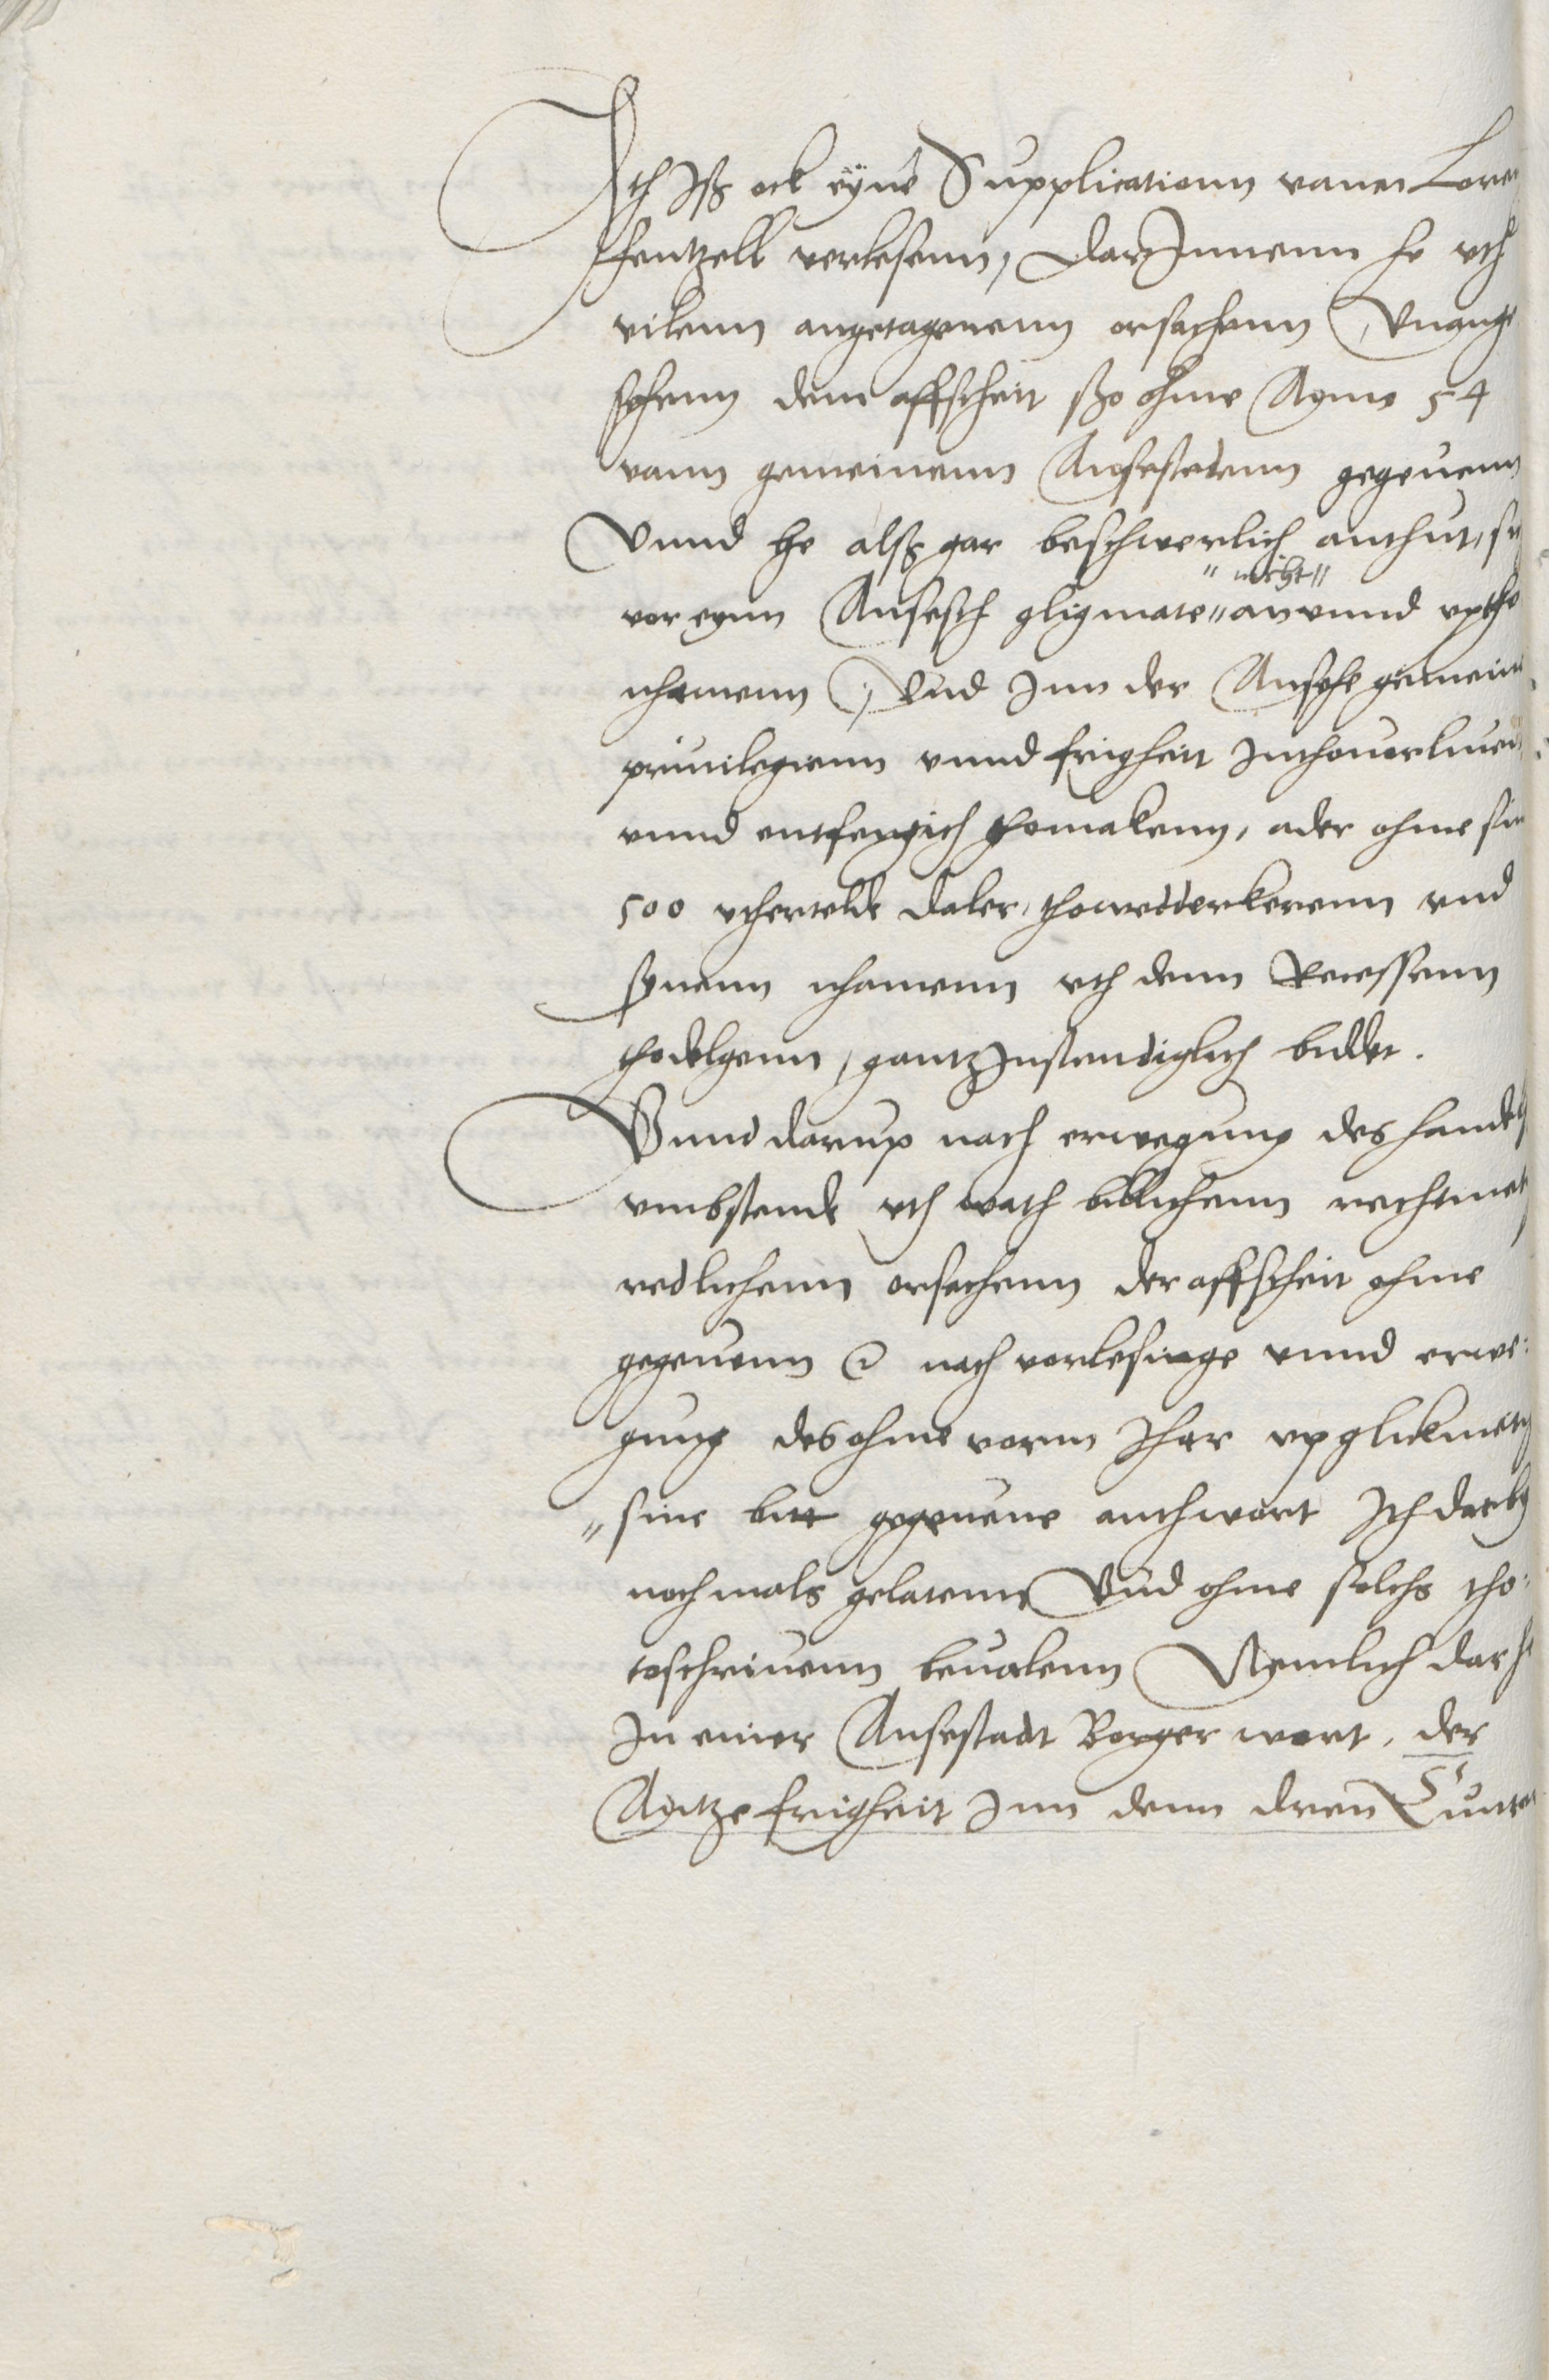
Ith jß ock eyne Supplicationn vann Lore
Fentzell verlesenn, Darjnnenn he vth
vilenn angetagenenn orsachenn Vnange¬
sehenn dem affscheit ßo ohme Anno 54
vann gemeinenn Ansestedenn gegeuenn
Vnnd He alß gar beschwerlich anthut, sich
vor eynn Ansesch gligmate nicht an vnnd vptho¬
nhamenn Vnd jnn der Ansehe gemeine
priuilegienn vnnd frigheit jnthouorliuen
vnnd entfengich thomakenn, ader ohme sin
500 vthertelde Daler, thowedderkerenn vnd
synenn nhamenn vth denn Recessenn
thodelgenn, gantz jnstendiglich biddet.
Vnnd darup nach erwegung des handels
vmbstende vth wath billichenn rechtmet
redlichenn orsachenn der affscheit ohme
gegeuenn etc. nach vorlesinge vnnd erwe¬
gung des ohme vorm jhar vp glickmetig
sine bitt gegeuene anthwort jth darby
nochmals gelatenn Vnd ohme solchs tho¬
toschriuenn beualenn Nemlich dar he
jn einer Ansestadt Borger wart, der
Antze frigheit jnn denn dren Cuntor
